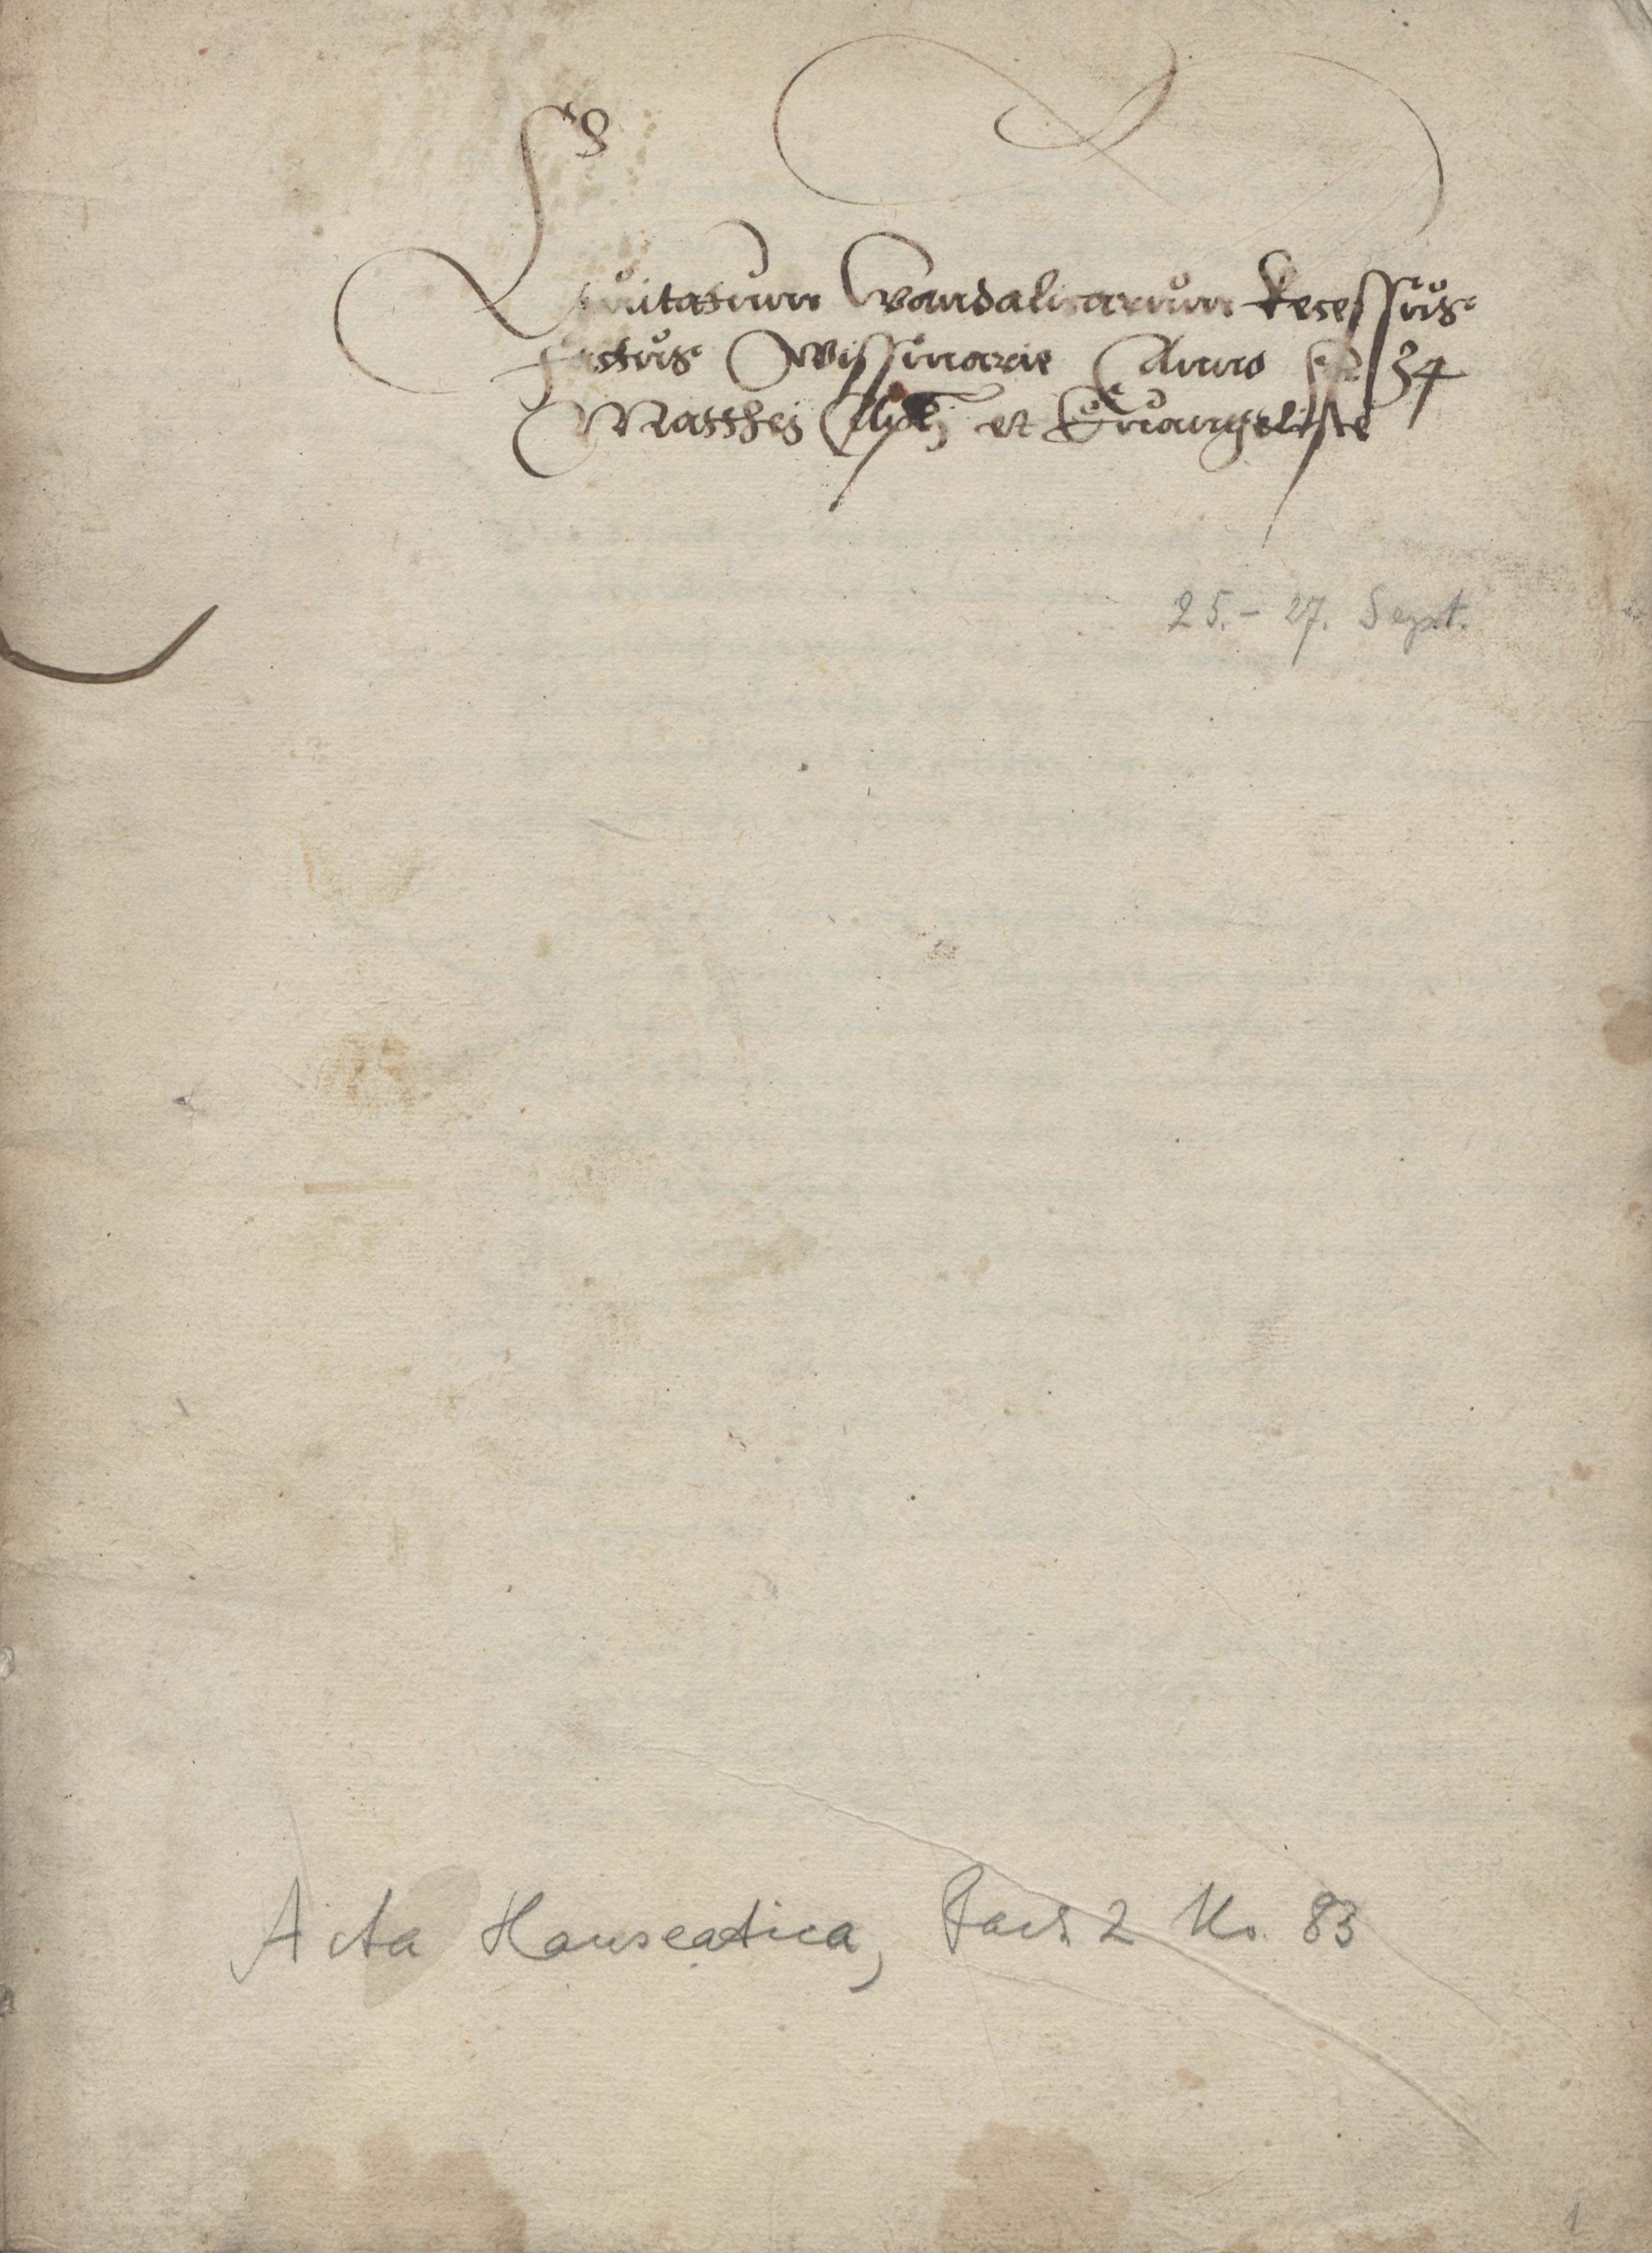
Ciuitatum Wandalicarum Recessus
factus wissmarie Anno etc 34
Matthei Apostoli et Euangeliste
